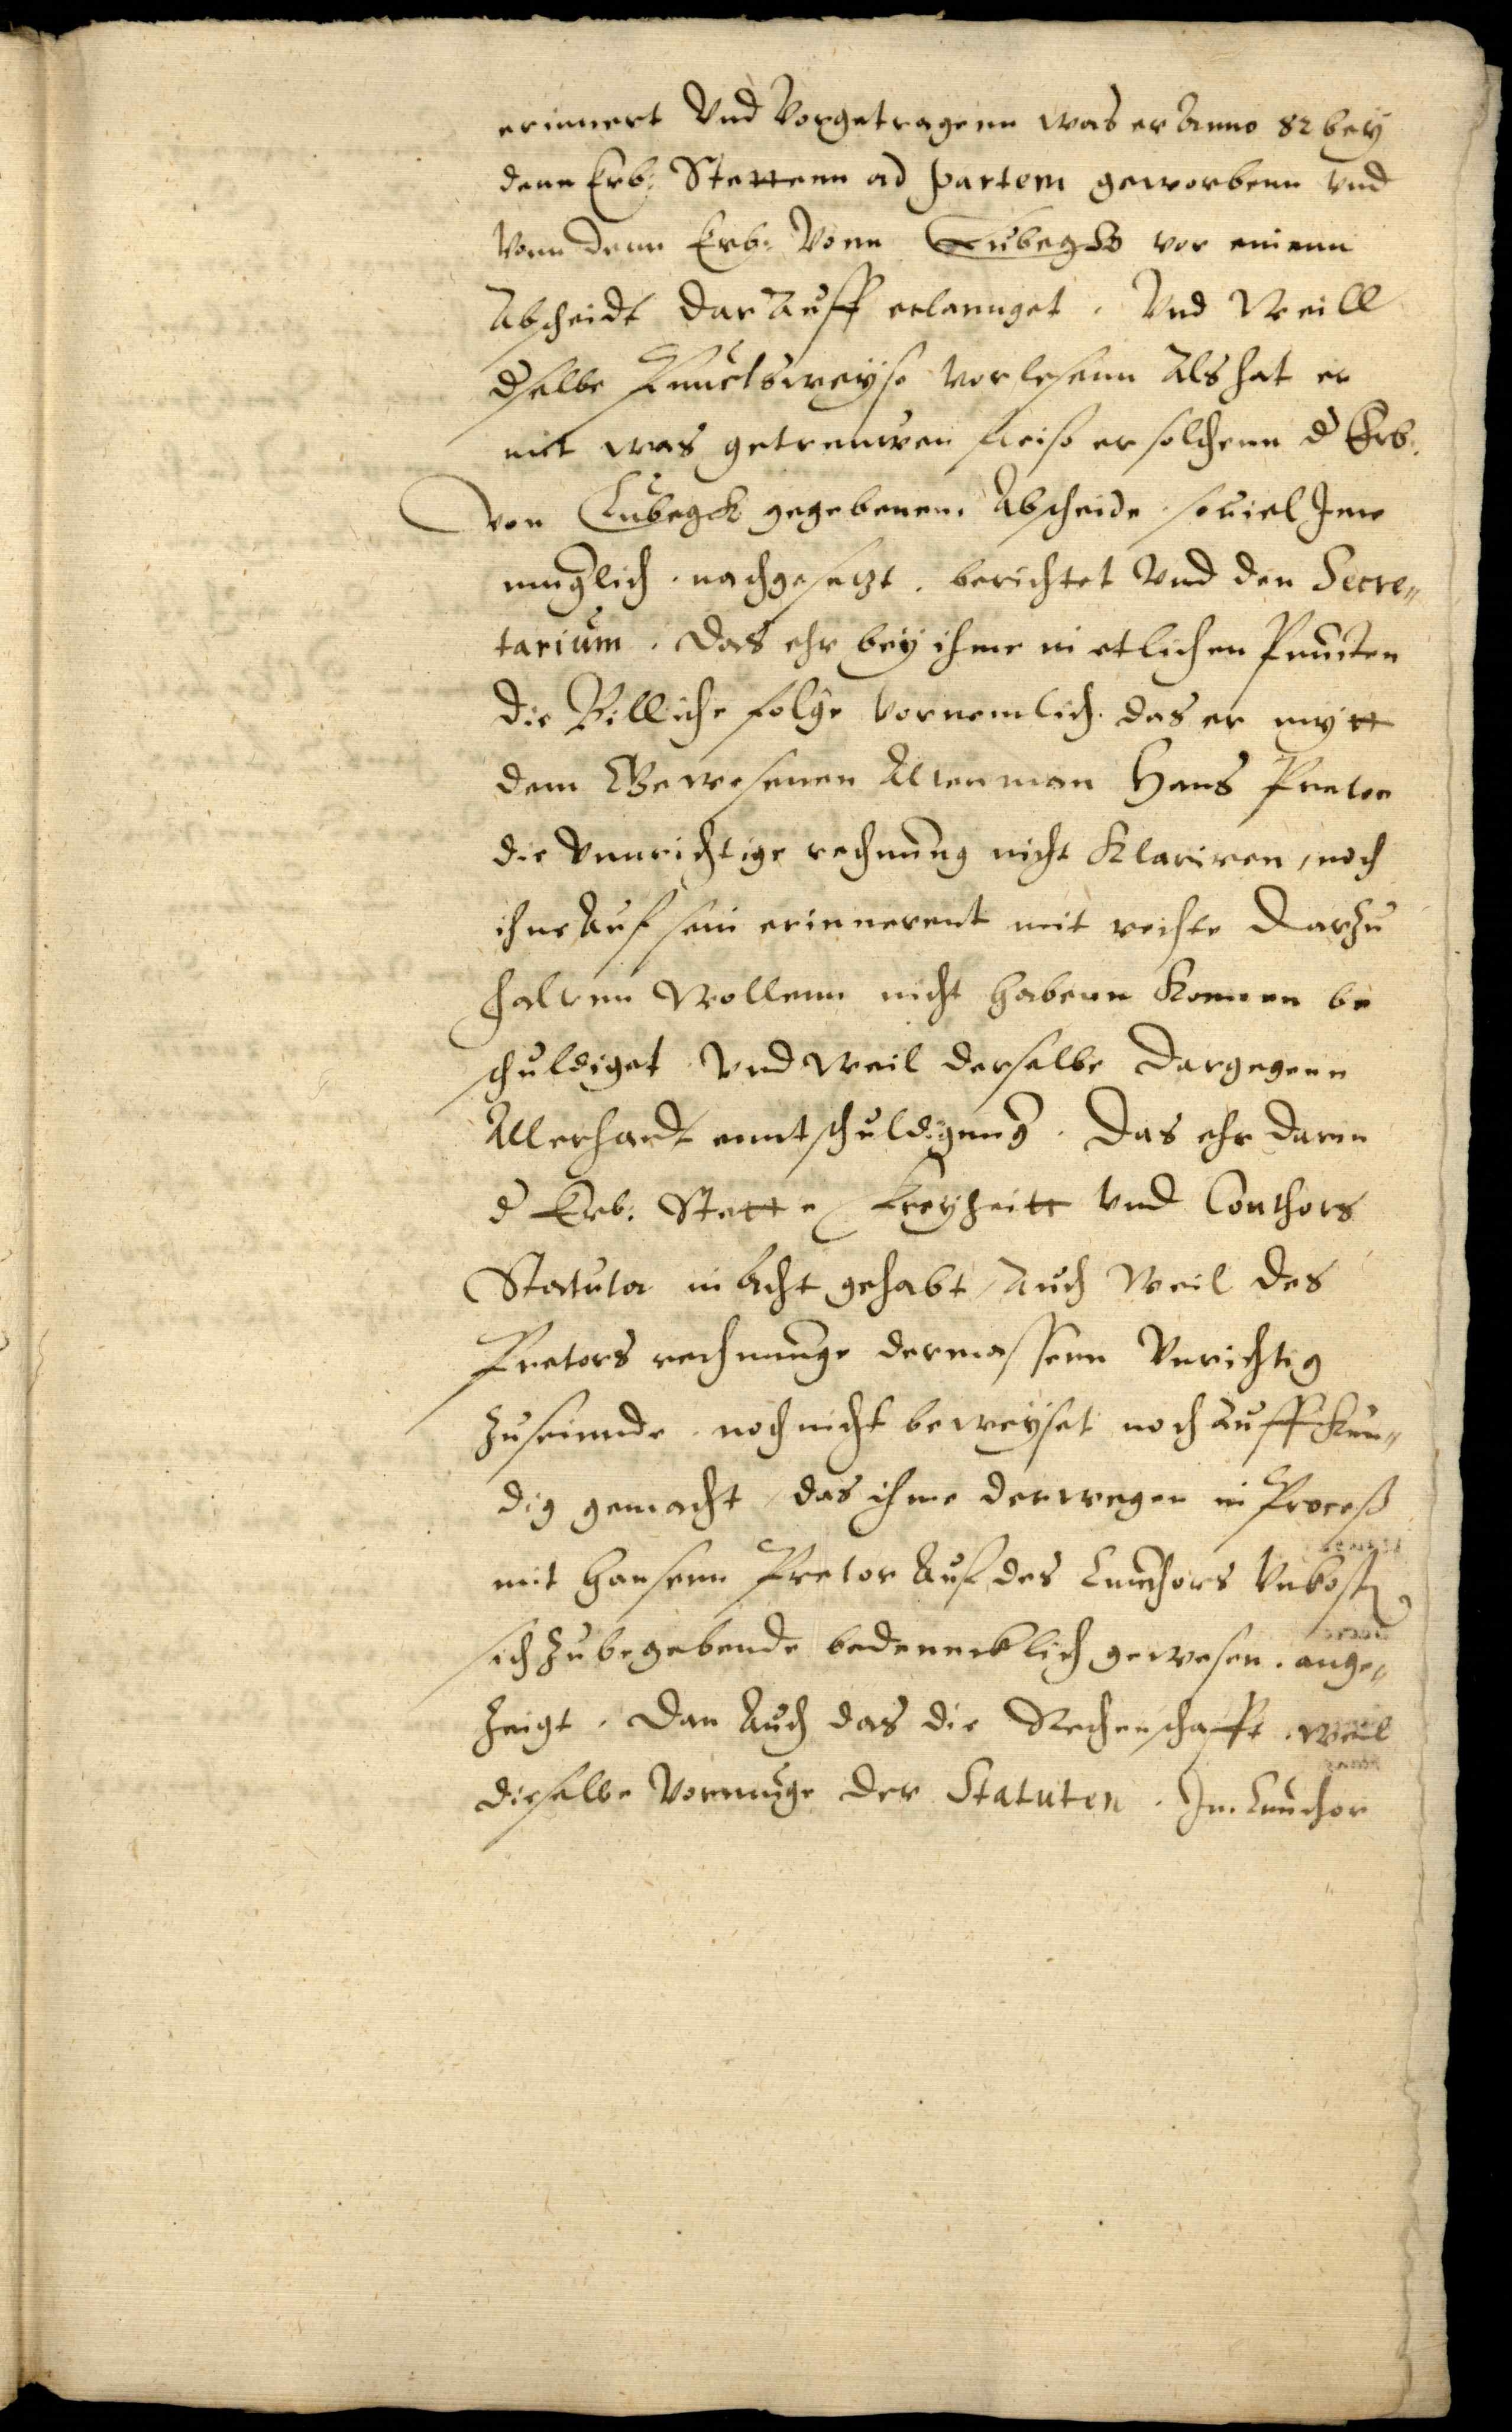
erinnert Vnd Vorgetragenn was er Anno 82 beij
denn Erb.Stettenn ad partem geworbenn Vnd
Vonn denn Erb: Vonn Lubegk vor einenn
Abscheidt darauff erlannget, Vnd Weill
derselbe Punctsweijse vorlesenn Als hat er
mit was getreuwen fleiß er solchenn der Erb:
von Lubegk gegebenem Abscheide, souiel Ime
muglich, nachgesetzt, berichtet vnd den Secre¬
tarium, das ehr beij ihme in etlichen Puncten
die Billiche folge vornemlich daß er mijtt
dem Gewesenen Alterman Hans Pretor
die Vnnrichtige rechnung nicht Klariren, noch
ihne Auf sein erinnerent mit wichte Darzu
haltenn wollenn nicht Habenn konnen be
schuldiget Vnd weil derselbe Dargegenn
Allerhandt enntschuldigung, Das ehr darin
der Erb: Stette Freijheitt vnd Conthors
Statuta in Acht gehabt, Auch weil des
Pretors rechnunge dermassenn Vnrichtig
zu seinnde. noch nicht beweijset noch Auff kun¬
dig gemacht, das ihme derwegen in Proceß
mit Hansenn Pretor Auf des Cunthors Vnkosten
sich zu begebende bedenncklich gewesen, ange¬
zeigt, dan Auch das die Rechenschafft. weil
dieselbe Vormuge der Statuten, Im Cunthor
